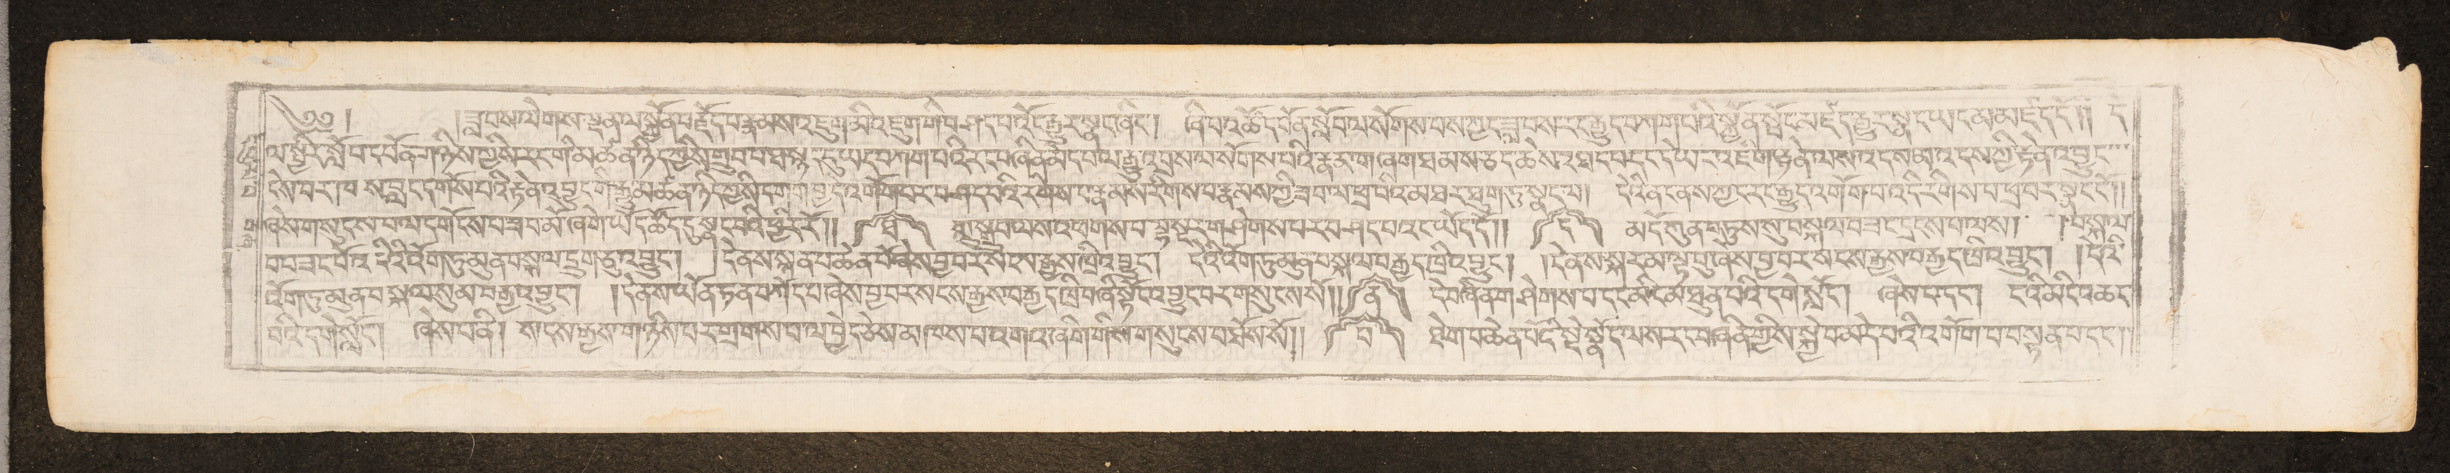༄༅། །ཟླ་བས་ལེགས་ལྡན་ལ་སྐྱོན་བརྗོད་པ་རྣམས་འཇུག་མི་འཇུག་གི་བཤད་པ་འོང་རྒྱུ་སྣང་ཞིང་། ཞི་བ་འཚོ་དཔོན་སློབ་ལ་སོགས་པས་ཀྱང་ཟླ་བས་རང་རྒྱུད་བཀག་པའི་སྐྱོན་སྤོངས་མཛད་རྒྱུར་སྣང་ཡང་མ་མཛད་དོ།། དེ་
ལ་སྤྱིར་སློབ་དཔོན་གཉིས་ཀྱིས་རང་གི་མཚན་ཉིད་ཀྱིས་གྲུབ་པ་ཐ་སྙད་དུ་ཡད་བཀག་པའི་རང་བཞིན་མེད་པ་ལ་རྒྱུ་འབྲས་ལ་སོགས་པའི་རྣམ་གཞག་ཐམས་ཅད་ཆེས་འཐད་པ་དང་དེ་ཡང་འཇིག་རྟེན་ལས་འདས་མ་འདས་ཀྱི་རྟེན་འབྱུང་
ངེས་པར་ཁས་བླང་དགོས་པའི་རྟེན་འབྱིང་གི་རྒྱུ་མཚན་ཉིད་ཀྱིས་དགག་བྱ་དེ་འགོག་པར་བཤད་པའི་རིགས་པ་རྣམས་རིགས་པ་རྣམས་ཀྱི་ཟབ་ལ་ཕྲ་བའི་མཐར་ཐུག་ཏུ་སྣང་ལ། དེའི་ནང་ནས་ཀྱང་རང་རྒྱུད་འགོག་པ་འདི་རིགས་པ་ཕྲ་བར་སྣང་ངོ།།
ཞེས་གསུངས་པ་ལ་དགོངས་པ་ཟབ་མོ་ཞིག་ཡོད་ཚོད་དུ་སྣང་བའི་ཕྱིར་རོ།། ༼༽ཐ༼༽ ཀླུ་སྒྲུབ་ལས་འཕགས་པ་ལྷ་སྔར་གཤེགས་པར་བཤད་པའང་ཡོད་དོ།། ༼༽ད༼༽ མདོ་ཀུན་བཏུས་སུ་བསྐལ་བཟང་དྲངས་པ་ལས། །བསྐལ་
བ་བཟང་པོ་འདིའི་འོག་ཏུ་མུན་བསྐལ་དྲུག་ཅུ་འབྱུང་། །དེ་ནས་སྙན་པ་ཆེན་པོ་ཞེས་བྱ་བར་སངས་རྒྱས་ཁྲི་འབྱུང་། དེའི་འགོ་ཏུ་མུན་བསྐལ་བརྒྱད་ཁྲི་འབྱུང་། །དེ་ནས་སྐྲར་མ་ལྟ་བུ་ཞེས་བྱ་བར་སངས་རྒྱས་བརྒྱད་ཁྲི་འབྱུང་། །དེའི་
འོག་ཏུ་མུན་བསྐལ་སུམ་བརྒྱ་འབྱུང་། །དེ་ནས་ཡོན་ཏན་བཀོད་པ་ཞེས་བྱ་བར་སངས་རྒྱས་བརྒྱད་ཁྲི་བཞི་སྟོང་འབྱུང་བར་གསུངས་སོ།། ༼༽ན༼༽ དེ་བཞིན་གཤེགས་པ་དང་མིང་མཐུན་པའི་དགེ་སློང་། ཞེས་པ་དང་། ངའི་མིང་འཆང་
བའི་དགེ་སློང་། ཞེས་པ་ནི། སངས་རྒྱས་གཉིས་པར་གྲགས་པ་ལ་བྱེད་ཅེས་མཁས་པ་འགའ་ཞིག་གིས་གསུངས་པ་ཐོས་སོ།། ༼༽པ༼༽ ཐེག་པ་ཆེན་པོའི་སྡེ་སྣོད་ལས་རང་བཞིན་གྱིས་སྐྱེ་བ་མེད་པའི་འགོག་པ་བསྟན་པ་དང་།